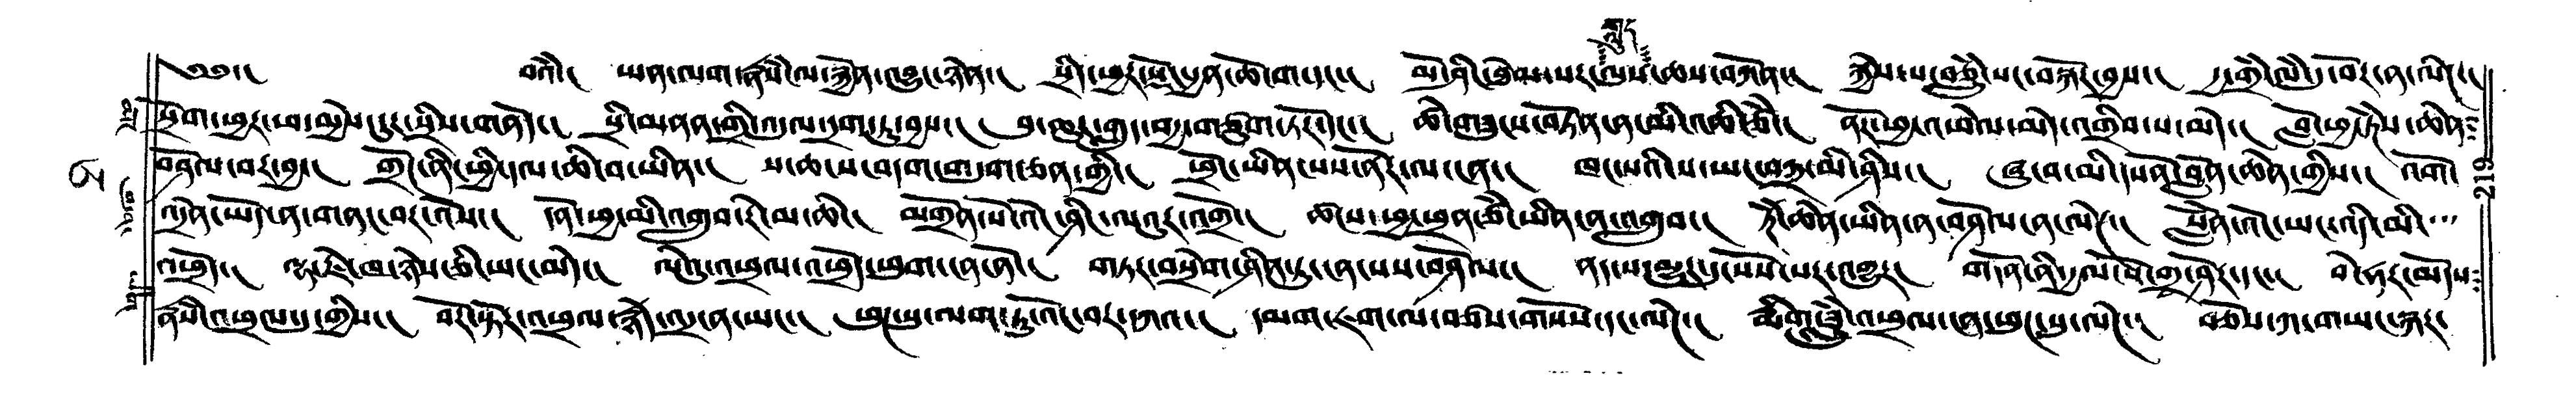བའམ། ཡན་ལག་རྣམས་ལ་སྐྱོན་འབྱུང་ཉེན། །སྲིད་ཕྱྭར་སྡོང་རྒྱན་ཆོ་ག་དང་། །མོ་ཤིང་འཐེམས་པར་གླུད་ཆས་བཀོན། །སྐྱེས་པ་བཅུ་གསུམ་པང་བསྐོར་བྱས། །རྒྱ་གྲམ་ལམ་དུ་བོར་ན་ལེགས། །
སྲོག་ཕྱྭར་ཕ་མྱེས་དུར་སྲིས་གནོད། །སྲི་མནན་གྲི་འདུལ་དྲག་ཏུ་བྱ། །བུ་ཆུང་གླུད་བརྒྱ་གཙུག་ཏོར་དང་། །ཚེ་གཟུངས་བཏོན་ན་མི་འཆི་ཙམ། །ནོར་ཕྱྭ་འཕེལ་མེད་འགྲིབ་པ་མེད། །བློ་ཕྱྭ་རྔམས་ཆེན་
བཤོལ་བར་བྱ། །གྲོགས་ནི་ཕྱི་དལ་ཆེ་བ་ཡིན། ། ས་ཆ་ས་བདག་གདུག་ཅན་གྱི། །ཕོ་བྲང་ཡིན་པས་ནོར་ལ་ངན།ཁང་པའི་ས་ཡང་བཀྲ་མི་ཤིས། །ཞུ་བ་མི་དཔོན་བློན་ཆེན་གྱིས། །འགོ་
འདྲེན་ཡོད་ན་གནང་བར་འོས། །དོན་ཕྱྭ་མི་འགྲུབ་རེ་མ་ཆེ། །མགྲོན་པོ་འོང་ཤིང་ལ་འུར་འགྲོ །ཚངས་ཕྱྭ་ཕྲན་ཙམ་ཡིན་ན་འགྲུབ། །རྔམས་ཆེན་ཡིན་ན་བཤོལ་ན་ལེགས། །སློབ་དཔོན་འོང་ཡང་འདི་མི་
འཕྲོད། །ལྷ་རྗེ་ཁ་ཉེས་ཅི་ཡང་མེད། །ལེའུ་འཕྲལ་འཕྲོད་ཕུགས་ངན་ནོ། །གཏར་སྲེག་ཤིན་ཏུ་ངན་པས་བཤོལ། །ནད་པ་མྱུར་དུ་གསོས་པར་འགྱུར། །གདོན་ནི་རྒྱལ་པོ་གྲྭ་ཤོར་དང་། །བེ་ཧར་མདོས་
རྣམས་འཕྲལ་དུ་གྱིས། །བོར་སྟོར་འཕྲལ་རྙེད་འདྲ་ན་ཡང་། །ཕུགས་སུ་ལག་ཏུ་འོང་བར་དཀའ། །དམག་ཇག་ལ་བཙས་གསོས་དང་ལེགས། །རྨིག་ཟླུམ་འཕྲལ་ངན་ཕུགས་སུ་ལེགས། བཅོས་ཀ་གཡང་སྐར་